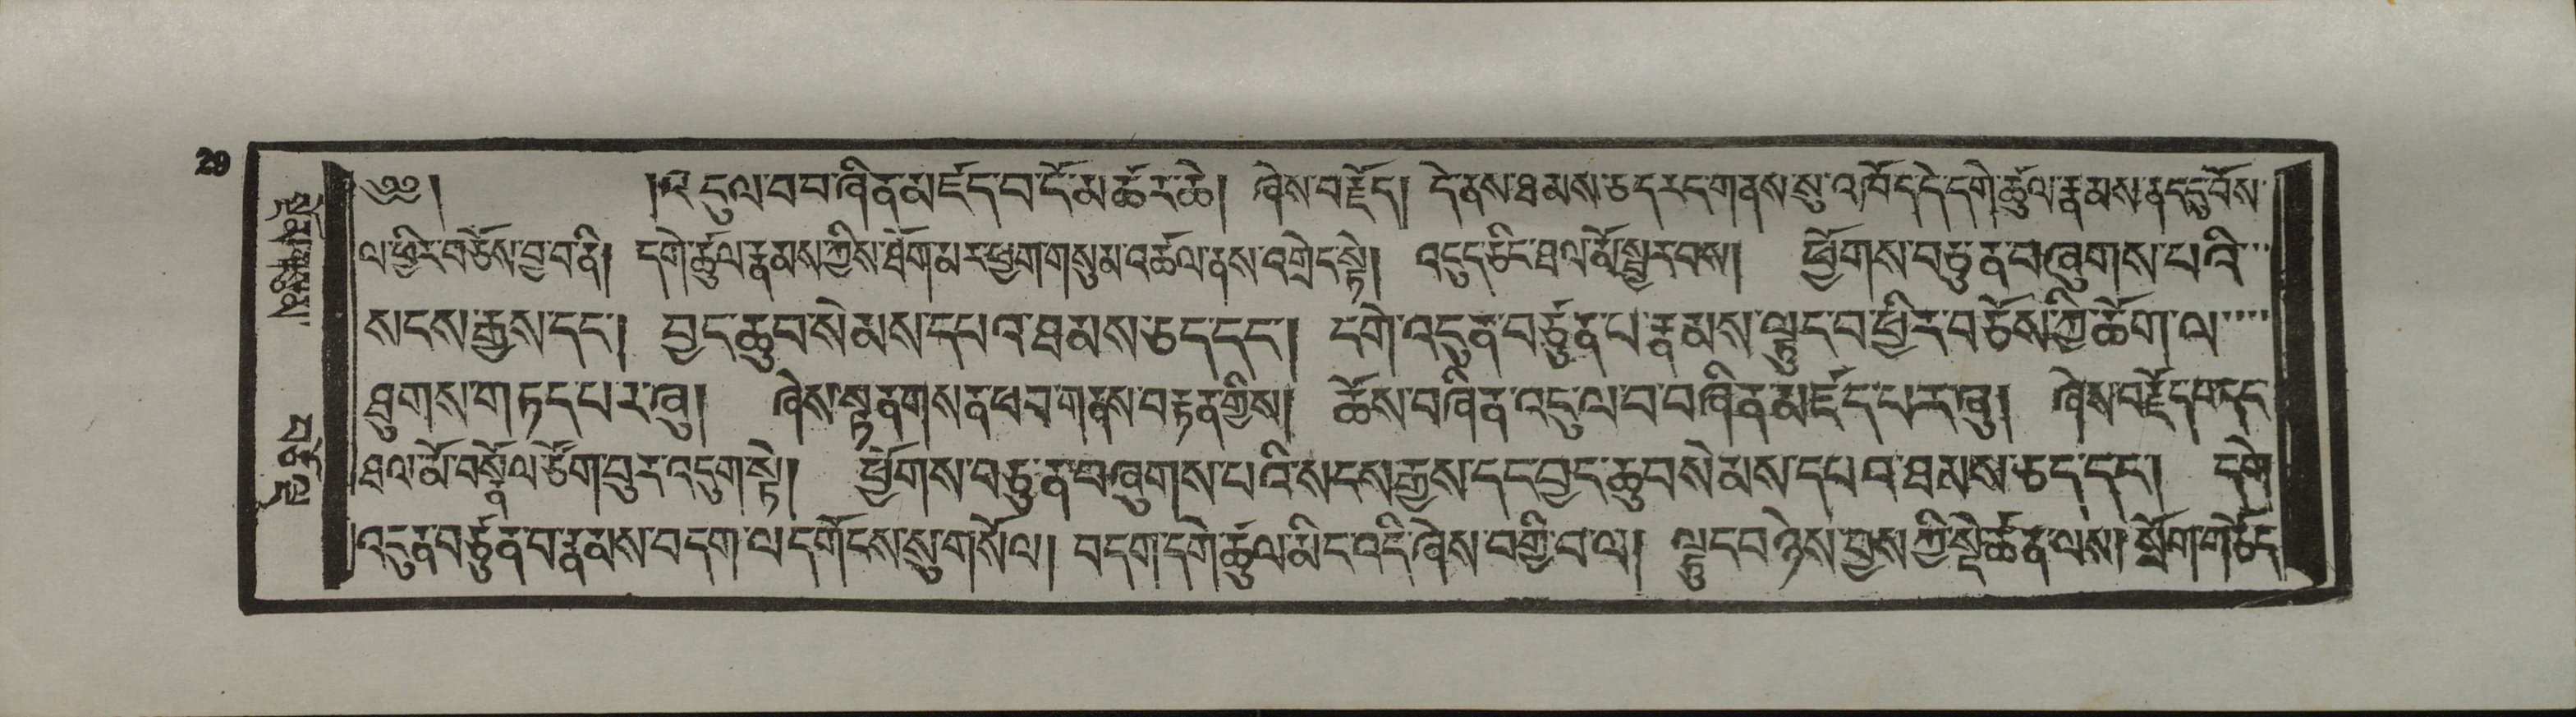༄༅། །འདུལ་བ་བཞིན་མཛད་པ་ངོ་མཚར་ཆེ། ཞེས་བརྗོད། དེ་ནས་ཐམས་ཅད་རང་གནས་སུ་འཁོད་དེ་དགེ་ཚུལ་རྣམས་ནང་དུ་པོས་
ལ་ཕྱིར་བཅོས་བྱ་བ་ནི། དགེ་ཚུལ་རྣམས་ཀྱིས་ཐོག་མར་ཕྱག་གསུམ་འཚལ་ནས་འགྲེང་སྟེ། འདུད་ཅིང་ཐལ་མོ་སྦྱར་བས། ཕྱོགས་བཅུ་ན་བཞུགས་པའི་
སངས་རྒྱས་དང་། བྱང་ཆུབ་སེམས་དཔའ་ཐམས་ཅད་དང་། དགེ་འདུན་བཙུན་པ་རྣམས་ལྟུང་བ་ཕྱིར་བཅོས་ཀྱི་ཆོ་ག་ལ་
ཐུགས་གཏད་པར་ཞུ། ཞེས་སྟན་གསན་ཕབ་གནས་བརྟན་གྱིས།  ཆོས་བཞིན་འདུལ་བ་བཞིན་མཛད་པར་ཞུ། ཞེས་བརྗོད་པ་དང་
ཐལ་མོ་བསྣོལ་ཙོག་པུར་འདུག་སྟེ། ཕྱོགས་བཅུ་ན་བཞུགས་པའི་སངས་རྒྱས་དང་བྱང་ཆུབ་སེམས་དཔའ་ཐམས་ཅད་དང་། དགེ་
འདུན་བཙུན་པ་རྣམས་བདག་ལ་དགོངས་སུ་གསོལ། བདག་དགེ་ཚུལ་མིང་འདི་ཞེས་བགྱི་བ་ལ། ལྟུང་བ་ཉེས་བྱས་ཀྱི་སྡེ་ཚན་ལས། སྲོག་གཅོད་